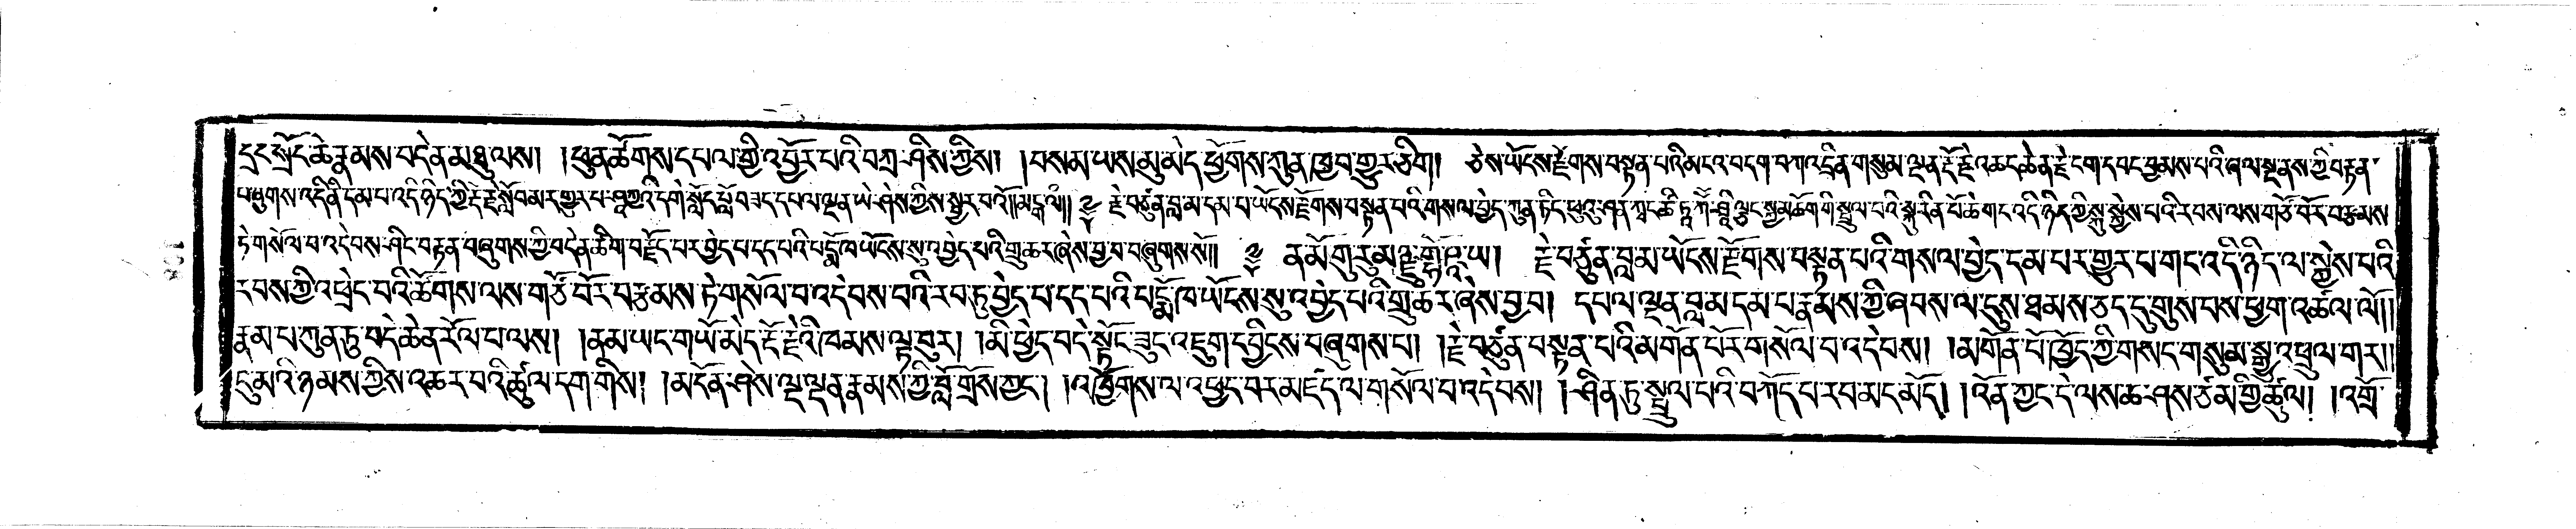དྲང་སྲོང་ཆེ་རྣམས་བདེན་མཐུ་ལས། །ཕུན་ཚོགས་དཔལ་གྱི་འབྱོར་པའི་བཀྲ་ཤིས་ཀྱིས། །བསམ་ཡས་མུ་མེད་ཕྱོགས་ཀུན་ཁྱབ་གྱུར་ཅིག། ཅེས་ཡོངས་རྫོགས་བསྟན་པའི་མངའ་བདག་བཀའ་དྲིན་གསུམ་ལྡན་རྡོ་རྗེ་འཆང་ཆེན་རྗེ་ངག་དབང་བྱམས་པའི་ཞལ་སྔ་ནས་ཀྱི་བརྟན་
བཞུགས་འདི་ནི་དམ་པ་འདི་ཉིད་ཀྱི་རྡོ་རྗེ་སློབ་མར་གྱུར་པ་ཤཱཀྱའི་དགེ་སློང་བློ་བཟང་དཔལ་ལྡན་ཡེ་ཤེས་ཀྱིས་སྦྱར་བའོ།། མང་ལཾ།། ༈ རྗེ་བཙུན་བླ་མ་དམ་པ་ཡོངས་རྫོགས་བསྟན་པའི་གསལ་བྱེད་ཀུན་ཏིང་ཕུའུ་ཤན་ཀྭང་ཚི་ཏཱ་ཀཽ་ཤྲཱི་ལྕང་སྐྱ་མཆོག་གི་སྤྲུལ་པའི་སྐུ་རིན་པོ་ཆེ་གང་འདི་ཉིད་ཀྱི་སྐུ་སྐྱེས་པའི་རབས་ལས་གཙོ་བོར་བརྩམས་
ཏེ་གསོལ་བ་འདེབས་ཤིང་བརྟན་བཞུགས་ཀྱི་བདེན་ཚིག་བརྗོད་པར་བྱེད་པ་དད་པའི་པདམོ་ཁ་ཡོངས་སུ་འབྱེད་པའི་གྲུ་ཆར་ཞེས་བྱ་བ་བཞུགས་སོ།། ༈ ན་མོ་གུ་རུ་མཉྫུ་གྷོཥཱ་ཡ། རྗེ་བཙུན་བླ་མ་ཡོངས་རྫོགས་བསྟན་པའི་གསལ་བྱེད་དམ་པར་གྱུར་པ་གང་འདི་ཉིད་ལ་སྐྱེས་པའི་
རབས་ཀྱི་འཕྲེང་བའི་ཚོགས་ལས་གཙོ་བོར་བརྩམས་ཏེ་གསོལ་བ་འདེབས་པའི་རབ་ཏུ་བྱེད་པ་དད་པའི་པདམོ་ཁ་ཡོངས་སུ་འབྱེད་པའི་གྲུ་ཆར་ཞེས་བྱ་བ། དཔལ་ལྡན་བླ་མ་དམ་པ་རྣམས་ཀྱི་ཞབས་ལ་དུས་ཐམས་ཅད་དུ་གུས་པས་ཕྱག་འཚལ་ལོ།།
རྣམ་པ་ཀུན་ཏུ་བདེ་ཆེན་རོལ་པ་ལས། །ནམ་ཡང་གཡོ་མེད་རྡོ་རྗེའི་ཁམས་ལྟ་བུར། །མི་ཕྱེད་བདེ་སྟོང་ཟུང་འཇུག་དབྱིངས་བཞུགས་པ། །རྗེ་བཙུན་བསྟན་པའི་མགོན་པོར་གསོལ་བ་འདེབས། །མགོན་པོ་ཁྱོད་ཀྱི་གསང་གསུམ་སྒྱུ་འཕྲུལ་གར།།
དུ་མའི་ཉམས་ཀྱིས་འཆར་བའི་ཚུལ་དག་གིས། །མངོན་ཤེས་ལྔ་ལྡན་རྣམས་ཀྱི་བློ་གྲོས་ཀྱང་། །འཁྱོགས་ལ་འཕྱང་བར་མཛད་ལ་གསོལ་བ་འདེབས། །ཤིན་ཏུ་སྤྲུལ་པའི་བཀོད་པ་རབ་མང་མདོ། །འོན་ཀྱང་དེ་ལས་ཆ་ཤས་ཙམ་གྱི་ཚུལ། །འགྲོ་